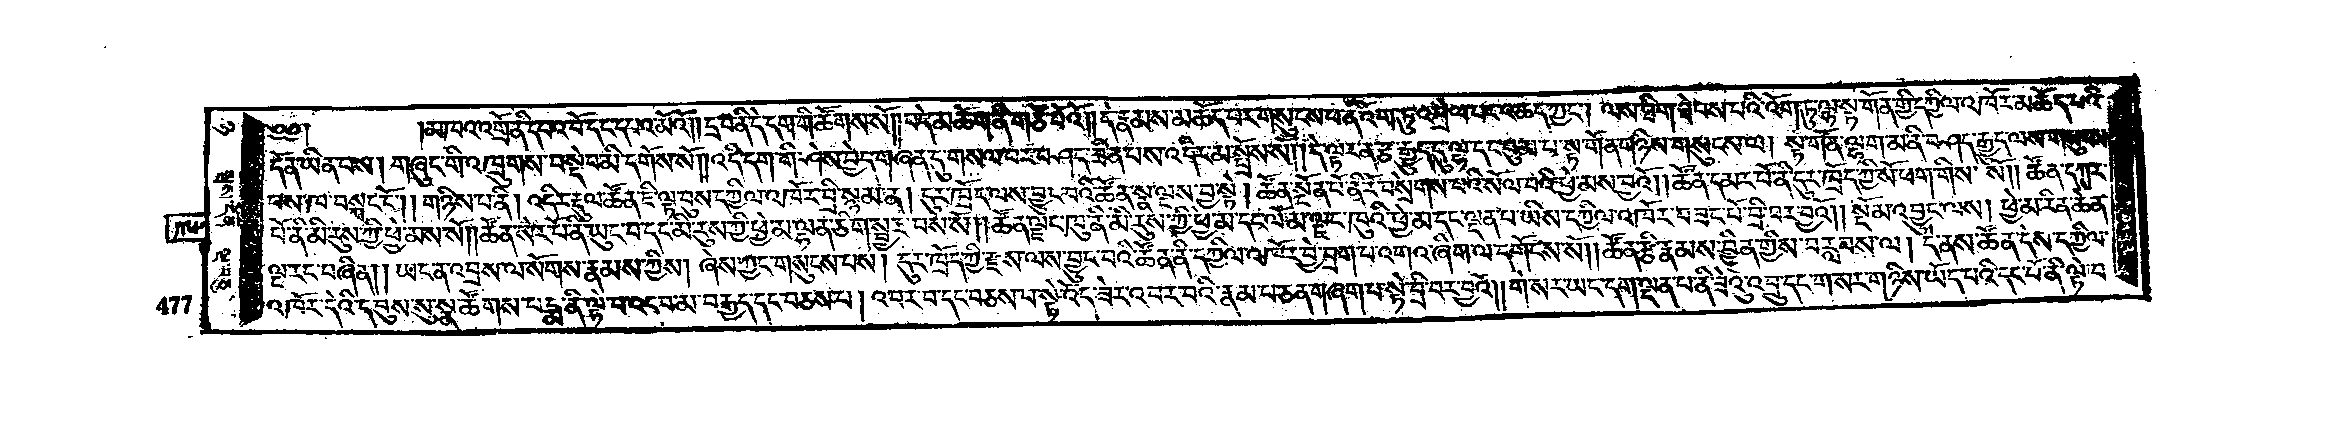༄༅། །མཁའ་འགྲོ་ནི་དཔའ་བོ་དང་དཔའ་མོའོ། །དྲ་བ་ནི་དེ་དག་གི་ཚོགས་སོ། །བདེ་མཆོག་ནི་གཙོ་བོའོ། །དེ་རྣམས་མཆོད་པར་གསུངས་པ་ནི་འོག་ཏུ་འབྲེལ་པར་འཆད་ཀྱང་། ལས་ཐིག་ཐེབས་པའི་འོག་ཏུ་ལྷ་སྟ་གོན་གྱི་དཀྱིལ་འཁོར་མཆོད་པའི་
དོན་ཡིན་པས། གཞུང་གི་འཁྲུགས་བསྡེབ་མི་དགོས་སོ། །འདི་དག་གི་ཤེས་བྱེད་གཞན་དུ་གསལ་བར་བཤད་ཟིན་པས་འདིར་མ་སྤྲོས་སོ། །དེ་ལྟར་ན་རྩ་རྒྱུད་དུ་ལྷ་དང་བུམ་པ་སྟ་གོན་གཉིས་གསུངས་ལ། སྟ་གོན་ལྷག་མ་ནི་བཤད་རྒྱུད་ལས་གསུངས་
པས་ཁ་བསྐང་ངོ། །གཉིས་པ་ནི། འདིར་རྡུལ་ཚོན་ཇི་ལྟ་བུས་དཀྱིལ་འཁོར་བྲི་སྙམ་ན། དུར་ཁྲོད་ལས་བྱུང་བའི་ཚོན་སྣ་ལྔས་བྱ་སྟེ། ཚོན་སྔོན་པོ་ནི་རོ་བསྲེགས་པའི་སོལ་བའི་ཕྱེ་མས་བྱའོ། །ཚོན་དམར་པོ་ནི་དུར་ཁྲོད་ཀྱི་སོ་ཕག་གིས་སོ། །ཚོན་དཀར་
པོ་ནི་མི་རུས་ཀྱི་ཕྱེ་མས་སོ། །ཚོན་སེར་པོ་ནི་ཡུང་བ་དང་མི་རུས་ཀྱི་ཕྱེ་མ་ལྷན་ཅིག་སྦྱར་བས་སོ། །ཚོན་ལྗང་ཁུ་ནི་མི་ཀྱི་ཕྱེ་མ་དང་ལོ་མ་ལྗང་ཁུའི་ཕྱེ་མ་དང་ལྡན་པ་ཡིས་དཀྱིལ་འཁོར་བཟང་པོ་བྲི་བར་བྱའོ། །སྡོམ་འབྱུང་ལས། ཕྱེ་མ་རིན་ཆེན་
ལྔ་རང་བཞིན། །ཡང་ན་འབྲས་ལ་སོགས་རྣམས་ཀྱིས། ཞེས་ཀྱང་གསུངས་པས། དུར་ཁྲོད་ཀྱི་རྫས་ལས་བྱུང་བའི་ཚོན་ནི་དཀྱིལ་འཁོར་བྱེ་བྲག་པ་འགའ་ཞིག་ལ་དགོངས་སོ། །ཚོན་རྩི་རྣམས་བྱིན་གྱིས་བརླབས་ལ། དེ་ནས་ཚོན་དེས་དཀྱིལ་
འཁོར་དེའི་དབུས་སུ་སྣ་ཚོགས་པདམ་ནི་ལྟེ་བ་འདབ་མ་བརྒྱད་དང་བཅས་པ། འབར་བ་དང་བཅས་པ་སྟེ་འོད་ཟེར་འབར་བའི་རྣམ་པ་ཅན་གཞག་པ་སྟེ་བྲི་བར་བྱའོ། །གེ་སར་ཡང་དག་ལྡན་པ་ནི་ཟེའུ་འབྲུ་དང་གེ་སར་གཉིས་ཡོད་པའི་དང་པོ་ནི་ལྟེ་བ་